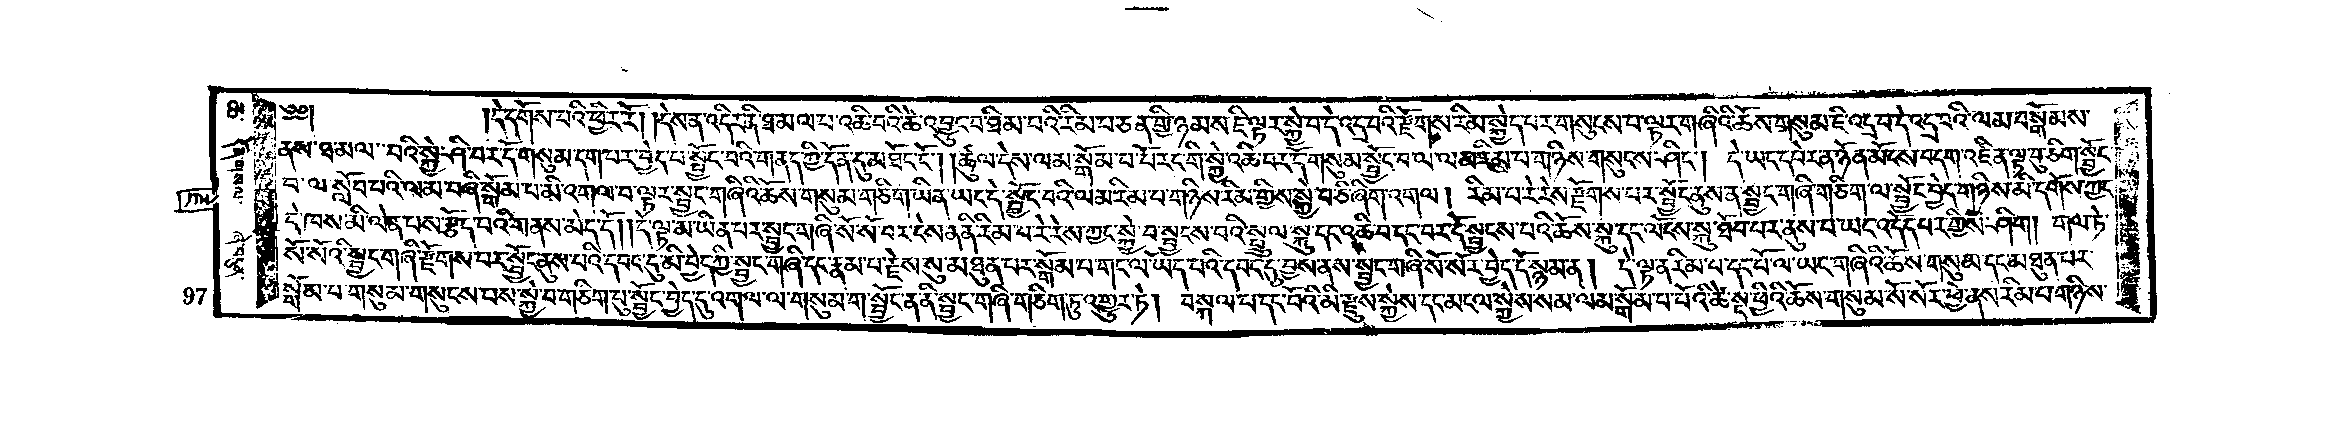༄༅། །དེ་དགོས་པའི་ཕྱིར་རོ། །དེས་ན་འདིར་ནི་ཐ་མལ་པ་འཆི་བའི་ཚེ་འབྱུང་བ་ཐིམ་པའི་རིམ་པ་ཅན་གྱི་ཉམས་ཇི་ལྟར་སྐྱེ་བ་དེ་འདྲ་བའི་རྫོགས་རིམ་སྐྱེད་པར་གསུངས་པ་ལྟར་གཞིའི་ཆོས་གསུམ་ཇི་འདྲ་བ་དེ་འདྲ་བའི་ལམ་བསྒོམས་
ནས་ཐ་མལ་བའི་སྐྱེ་ཤི་བར་དོ་གསུམ་དག་པར་བྱེད་པ་སྦྱོང་བའི་གནད་ཀྱི་དོན་དུ་མཐོང་ངོ། །ཚུལ་དེས་ལམ་སྒོམ་པ་པོ་རང་གི་སྐྱེ་འཆི་བར་དོ་གསུམ་སྦྱོང་བ་ལ་ལམ་རིམ་པ་གཉིས་གསུངས་ཤིང་། དེ་ཡང་དཔེར་ན་ཉོན་མོངས་བདག་འཛིན་ལྟ་བུ་ཅིག་སྦྱོང་
བ་ལ་སློབ་པའི་ལམ་བཞི་སྒོམ་པ་མི་འགལ་བ་ལྟར་སྦྱང་གཞིའི་ཆོས་གསུམ་གཅིག་ཡིན་ཡང་དེ་སྦྱོང་བའི་ལམ་རིམ་པ་གཉིས་རིམ་གྱིས་སྐྱེ་བ་ཅི་ཞིག་འགལ། རིམ་པ་རེ་རེས་རྫོགས་པར་སྦྱོང་ནུས་ན་སྦྱང་གཞི་གཅིག་ལ་སྦྱོང་བྱེད་གཉིས་མི་དགོས་ཀྱང་
དེ་ཁས་མི་ལེན་པས་རྩོད་པའི་གནས་མེད་དོ། །དེ་ལྟ་མ་ཡིན་པར་སྦྱང་གཞི་སོ་སོ་བར་ངེས་ན་ནི་རིམ་པ་རེ་རེས་ཀྱང་སྐྱེ་བ་སྦྱངས་པའི་སྤྲུལ་སྐུ་དང་འཆི་བ་དང་བར་དོ་སྦྱངས་པའི་ཆོས་སྐུ་དང་ལོངས་སྐུ་ཐོབ་པར་ནུས་པ་ཡང་འདོད་པར་གྱིས་ཤིག །གལ་ཏེ་
སོ་སོའི་སྦྱང་གཞི་རྫོགས་པར་སྦྱོང་ནུས་པའི་དབང་དུ་མི་བྱེད་ཀྱི་སྦྱང་གཞི་དང་རྣམ་པ་རྗེས་སུ་མཐུན་པར་སྒོམ་པ་གང་ལ་ཡོད་པའི་དབང་དུ་བྱས་ནས་སྦྱང་གཞི་སོ་སོར་བྱེད་དོ་སྙམ་ན། དེ་ལྟ་ན་རིམ་པ་དང་པོ་ལ་ཡང་གཞིའི་ཆོས་གསུམ་དང་མཐུན་པར་
སྒོམ་པ་གསུམ་གསུངས་པས་སྐྱེ་བ་གཅིག་པུ་སྦྱོང་བྱེད་དུ་འགལ་ལ་གསུམ་ག་སྦྱོང་ན་ནི་སྦྱང་གཞི་གཅིག་ཏུ་འགྱུར་ཏེ། བསྐལ་པ་དང་པོའི་མི་རྫུས་སྐྱེས་དང་མངལ་སྐྱེས་སམ་ལམ་སྒོམ་པ་པོའི་ཚེ་སྔ་ཕྱིའི་ཆོས་གསུམ་སོ་སོར་ཕྱེ་ནས་རིམ་པ་གཉིས་